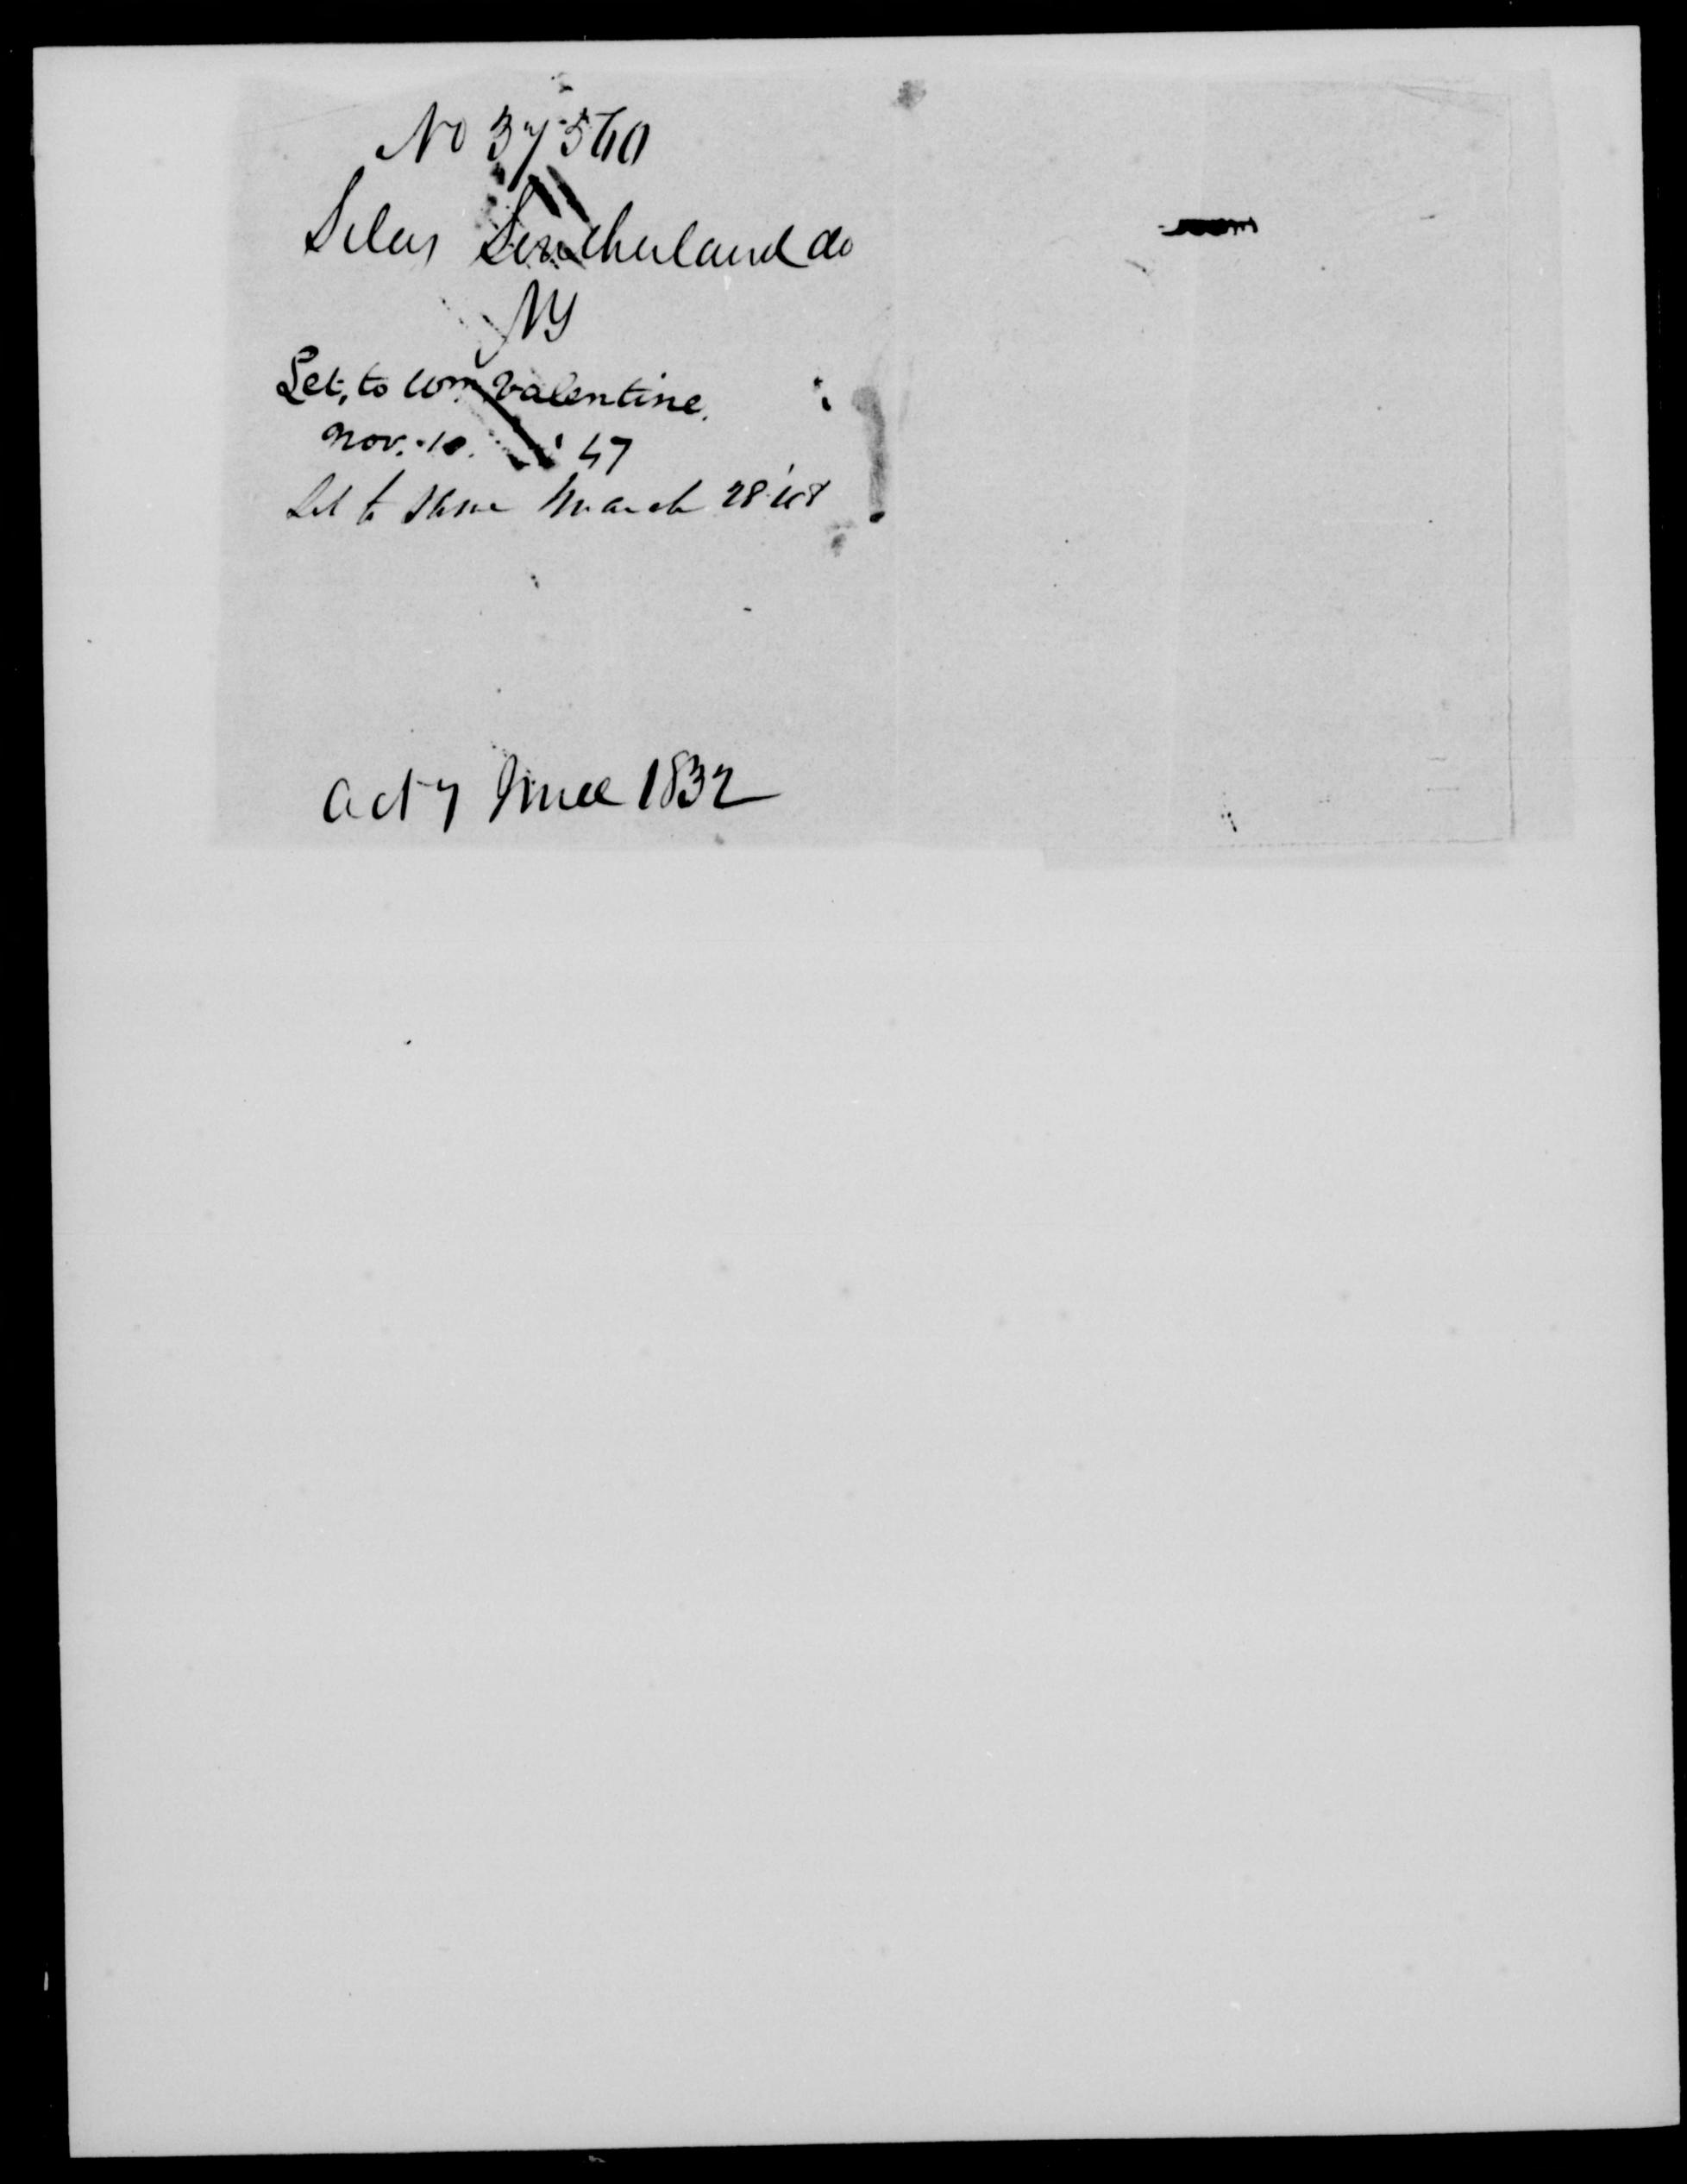No. 37560
Silas Southerland do
NY
Let. to Wm Valentine
Nov. 10. '47
Let to same March 28 '48

Act 7 June 1832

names: Wm Valentine; Silas Southerland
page: 39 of 77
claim: survivor's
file: S. 23003, for Silas Southerland, New York